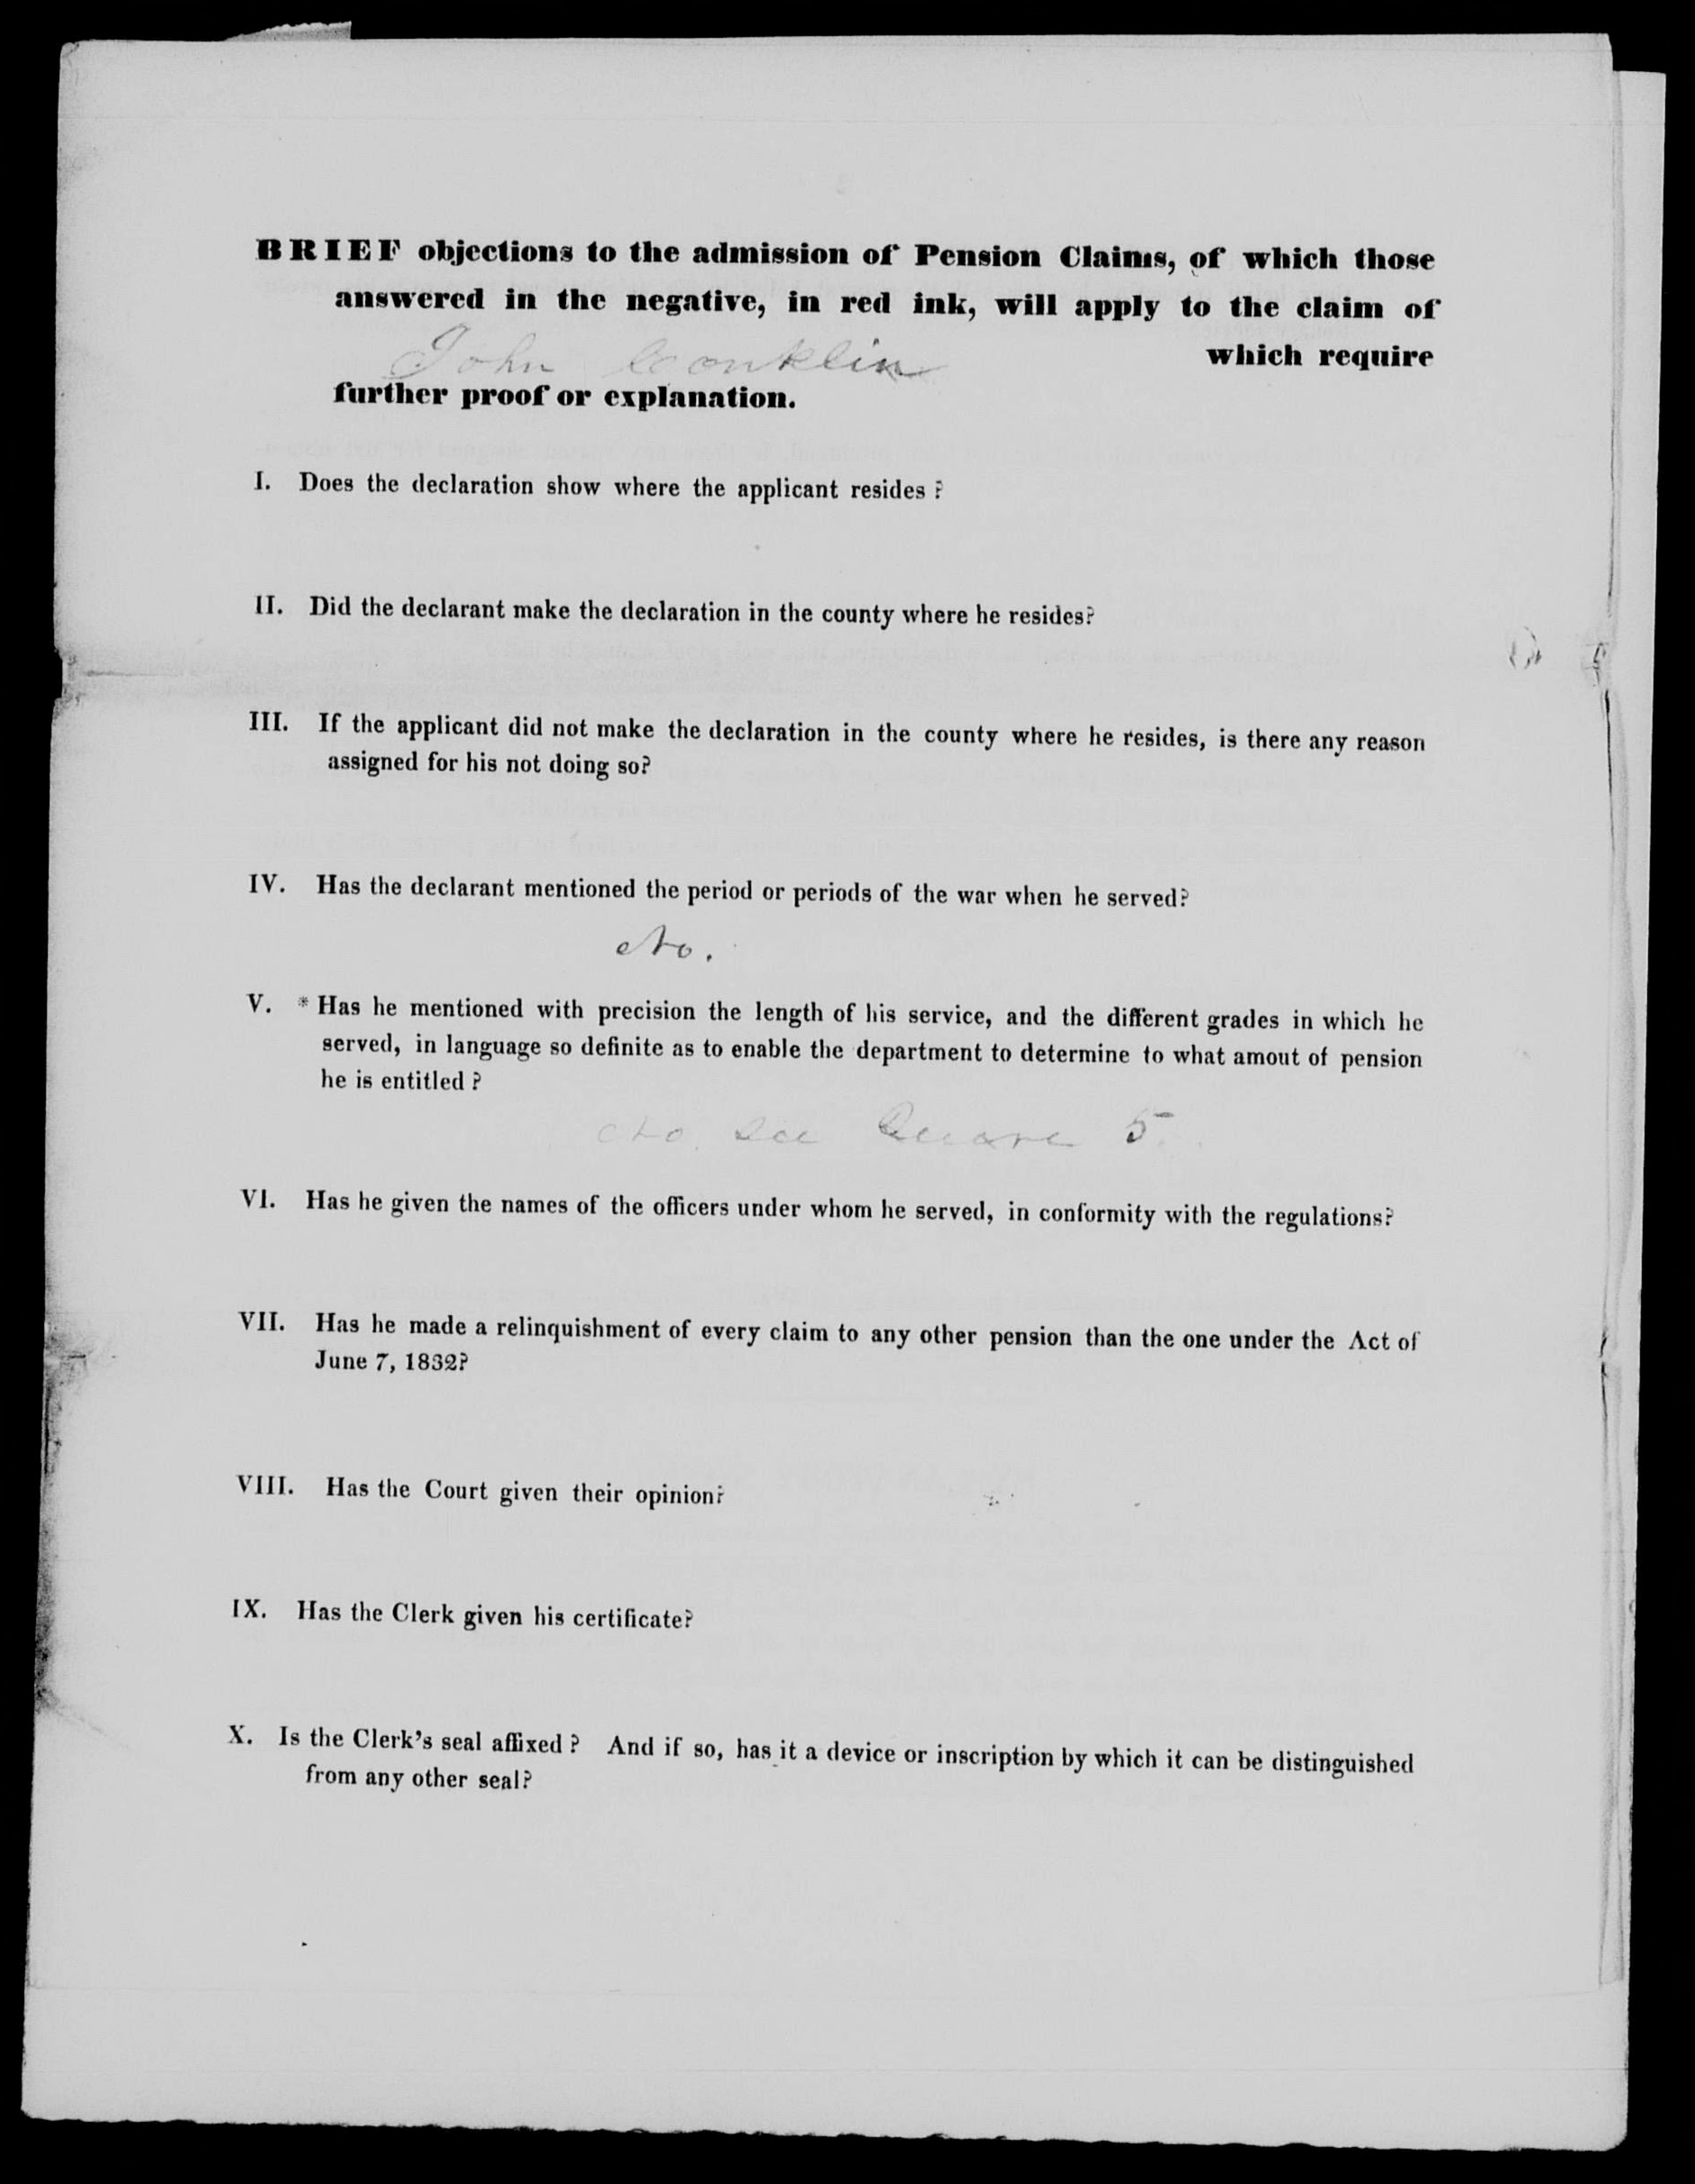Brief objections to the admission of Pension Claims, of which those answered in the negative, in red ink, will apply to the claim of John Conklin which require further proof or explanation.
I. Does the declaration show where the application resides? [/blank]
III. Did the declarant make the declaration in the county where he resides? [/blank]
II. If the applicant did not make the declaration in the county where he resides, is there any reason assigned for his not doing so? [/blank]
IV. Has the declarant mentioned the period or periods of the war when he served? No.
V. *Has he mentioned with precision the length of his service, and the different grades in which he served, in language so definite as to enable the department to determine to what amount of pension his is entitled? No see Quere 5
VI. Has he given the names of the officers under whom he served, in conformity with the regulations? [/blank]
VII. Has he made a relinquishment of every claim to any other pension than the one under the Act of June 7, 1832? [/blank]
VIII. Has the Court given their opinion? [/blank]
IX. Has the Clerk given his certificate? [/blank]
X. Is the Clerk's seal affixed? And if so, has it a device or inscription by which it can be distinguished from any other seal? [/blank]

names: John Conklin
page: 26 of 28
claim: survivor's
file: S 2464, John Conklin, New Jersey